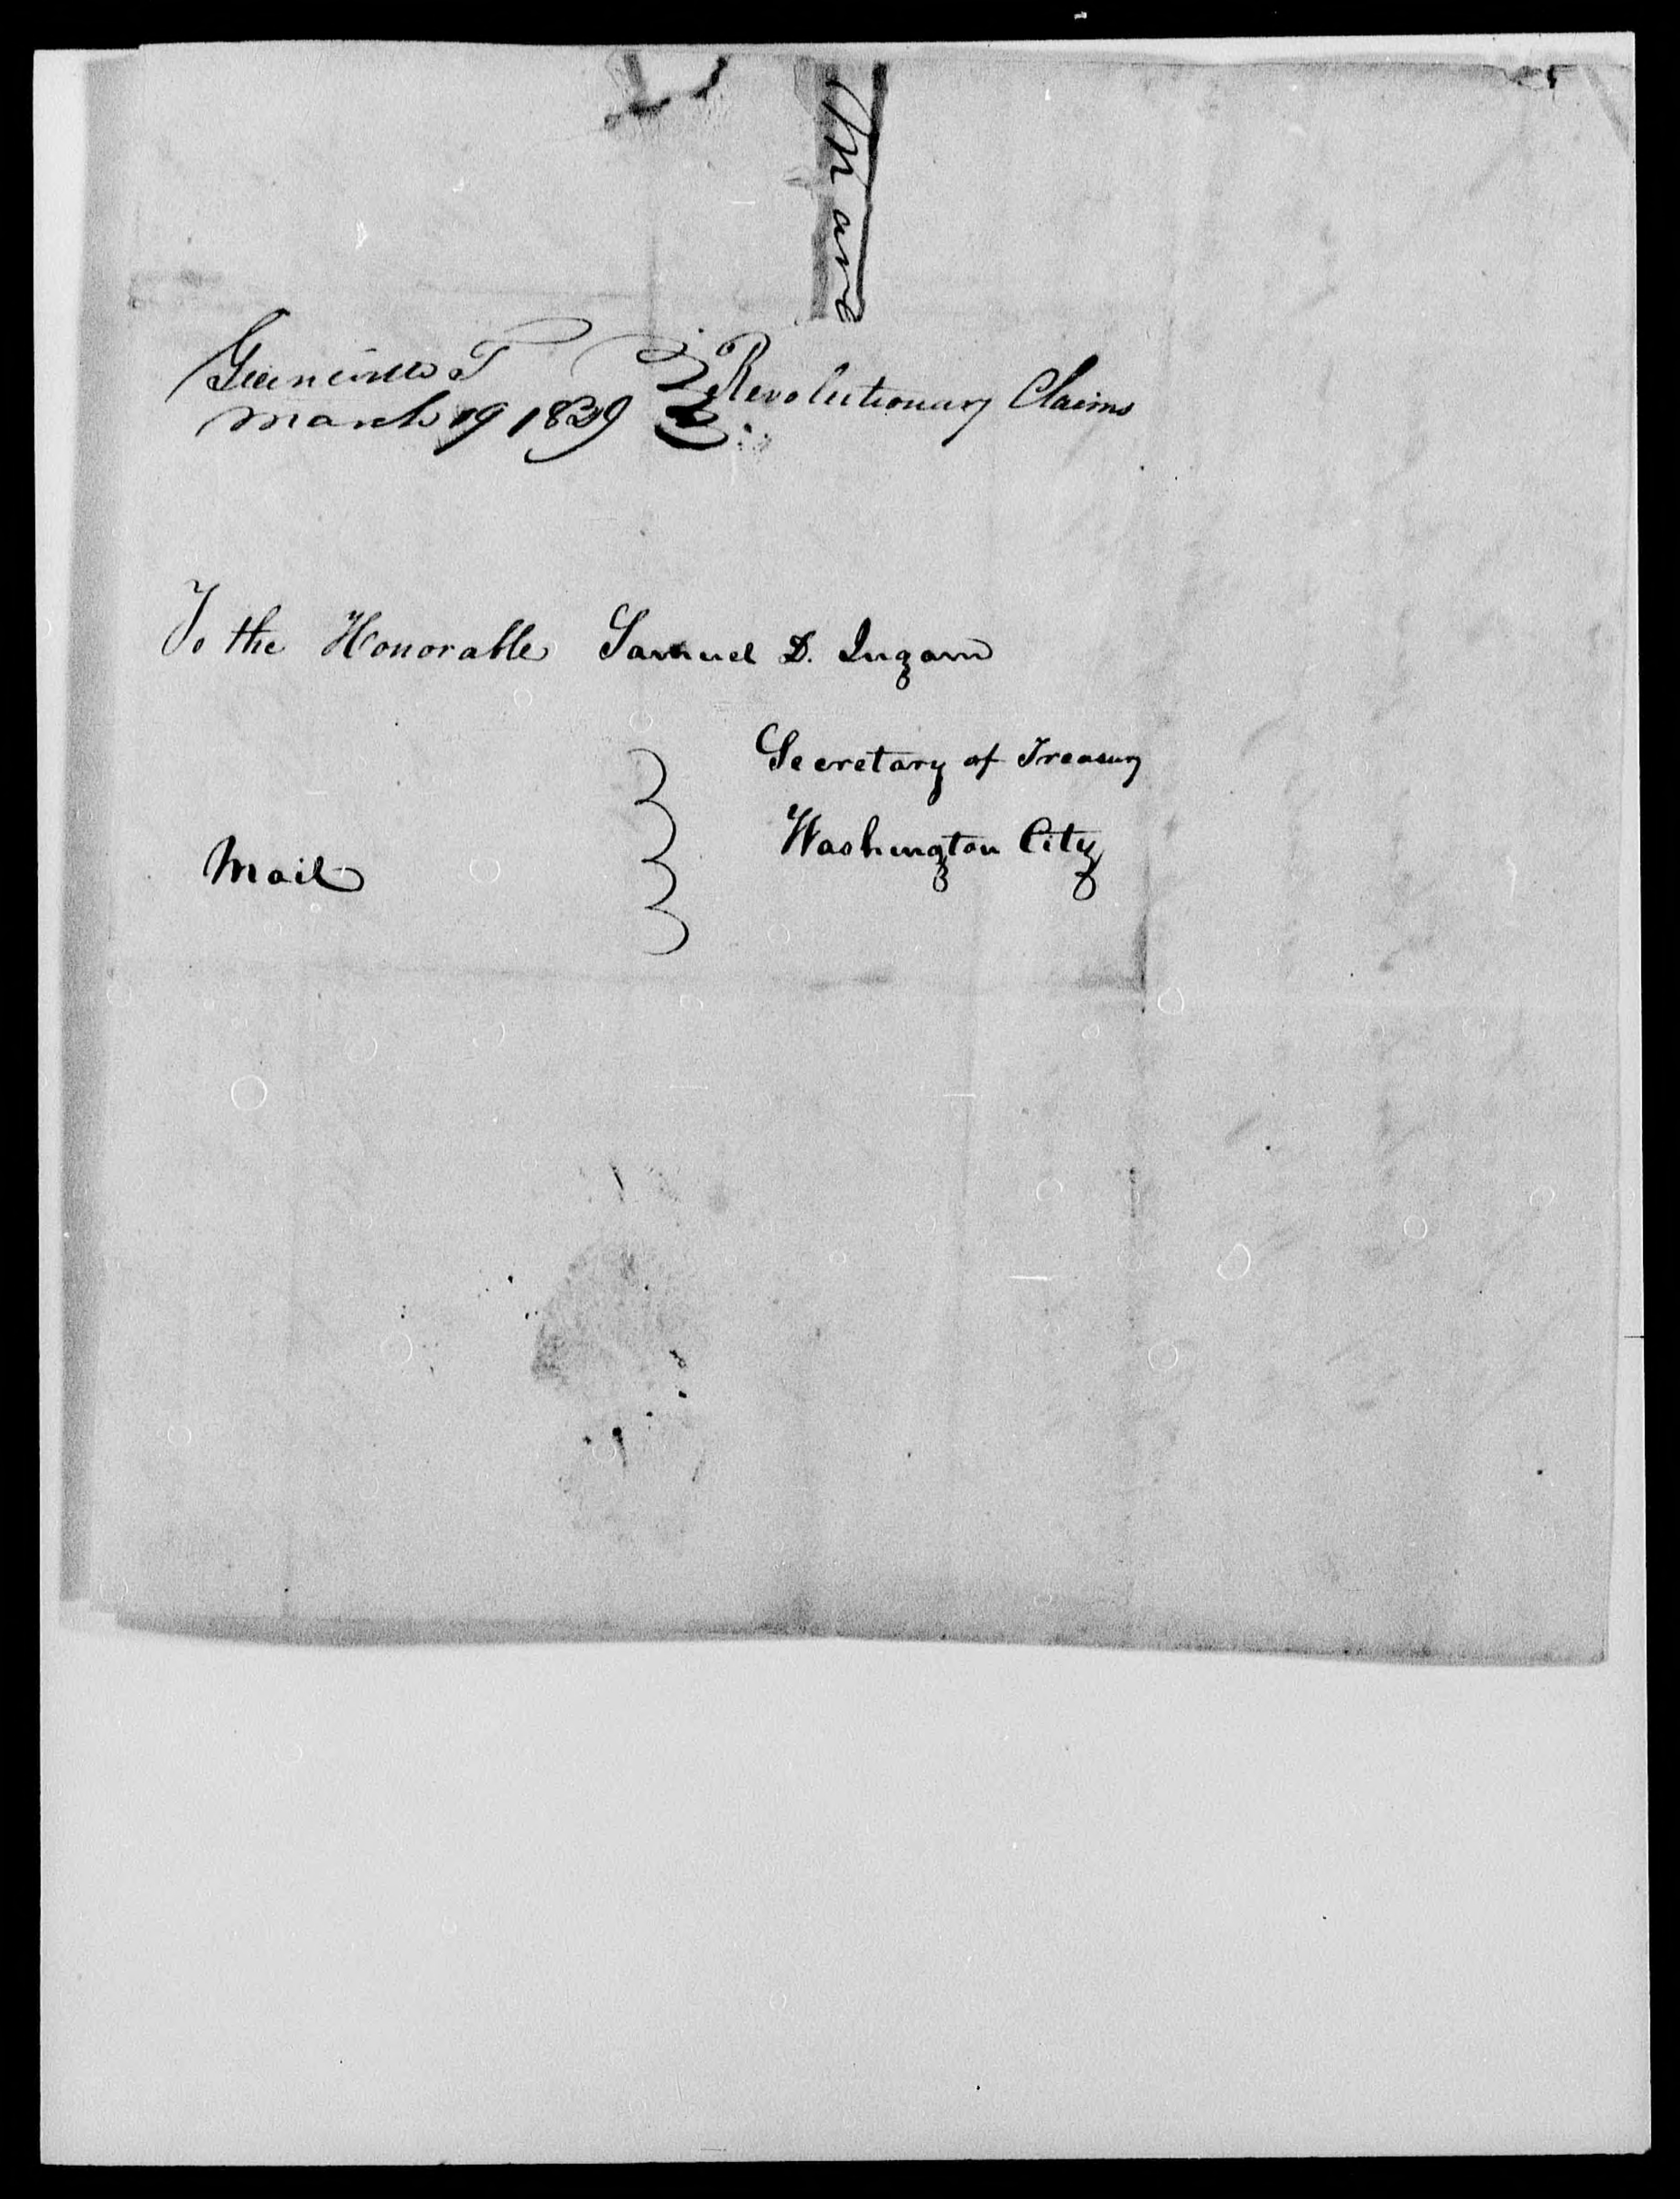Greenville T}     Revolutionary Claims
March 19 1839}

To the Honorable Samuel D. Ingam
Mail}   Secretary of Treasury
           Washington City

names: Samuel D Ingam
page: 27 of 47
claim: survivor's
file: S. 3102, Frederick Burket, Va.